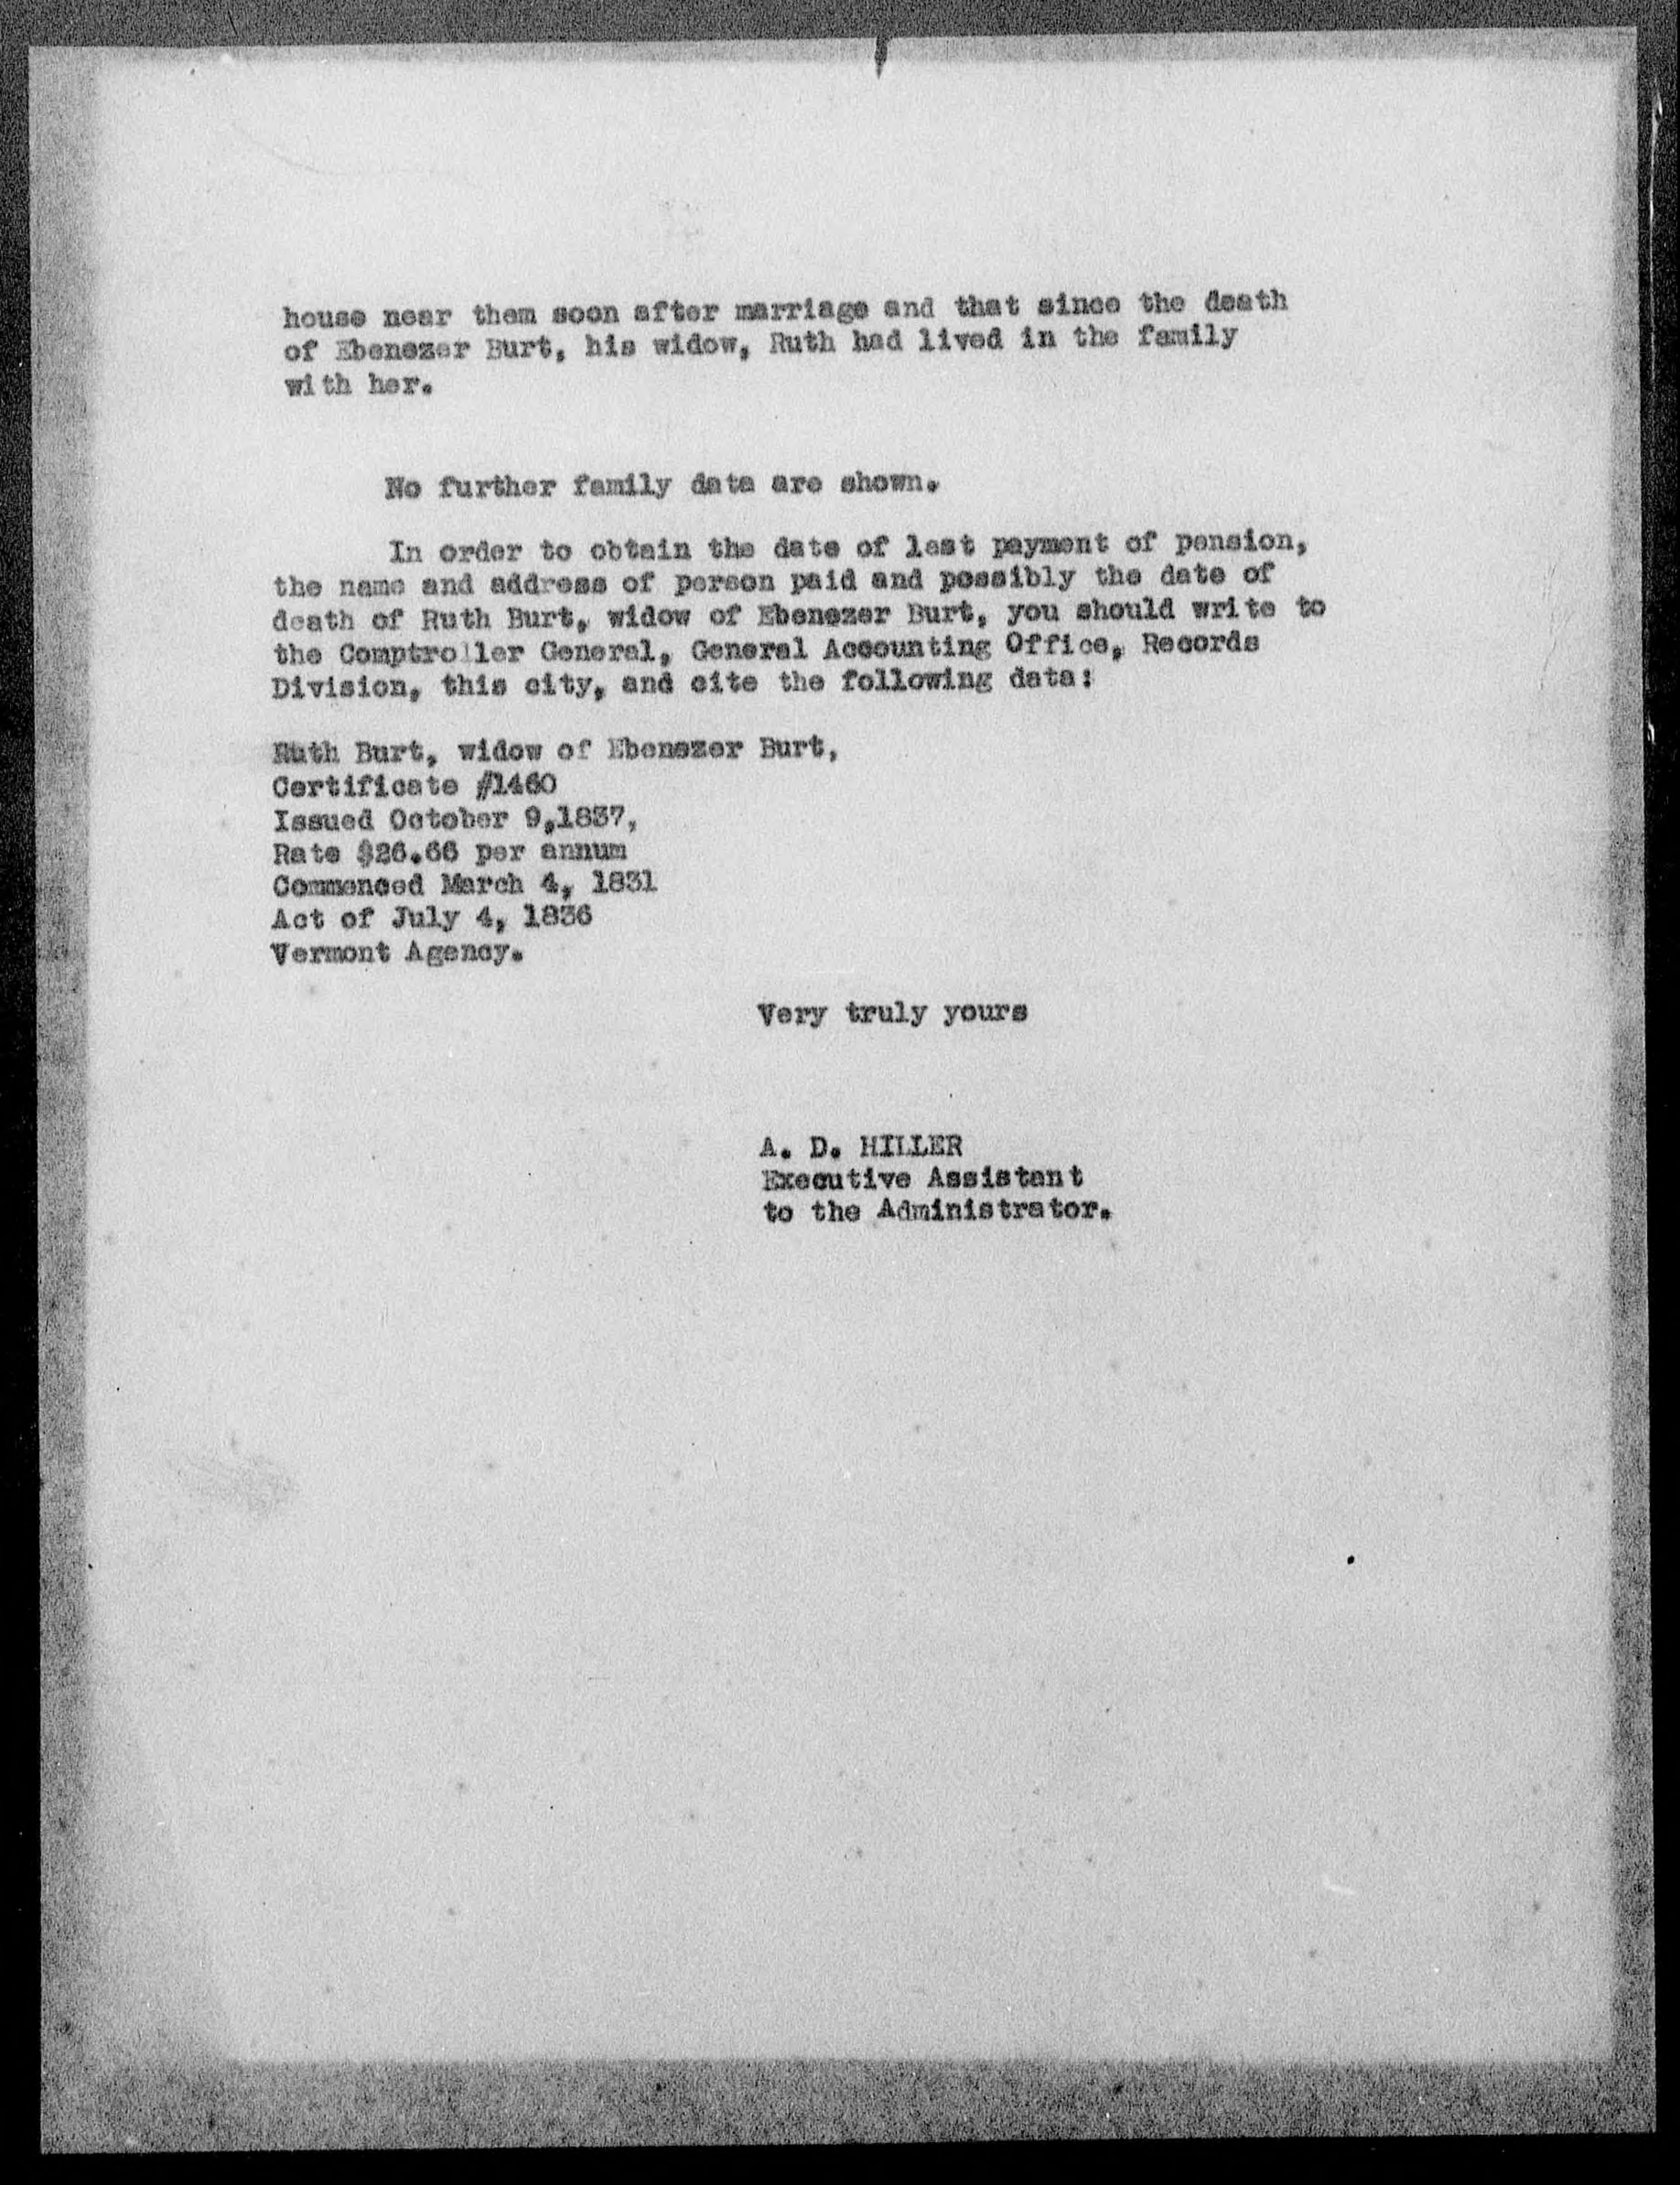house near them soon after marriage and that since the death of Ebenezer Burt, his widow, Ruth had lived in the family with her. 

No further family data are shown.

In order to obtain the date of last payment of pension, the name and address of person paid and possibly the date of death of Ruth Burt, widow of Ebenezer Burt, you should write to the Comptroller General, General Accounting Office, Records Division, this city, and cite the following data:

Ruth Burt, widow of Ebenezer Burt,
Certificate #1460
Issued October 9, 1837,
Rate $26.66 per annum
Commenced March 4, 1831
Act of July 4, 1836
Vermont Agency.

Very truly yours
A. D. HILLER
Executive Assistant
to the Administrator.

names: A D Hiller, Ruth Burt, Ebenezer Burt, Ebenezer Burt, Ruth Burt, Ebenezer Burt, Ruth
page: 6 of 17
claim: widow's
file: W. 20809, Ebenezer Burt, Mass.